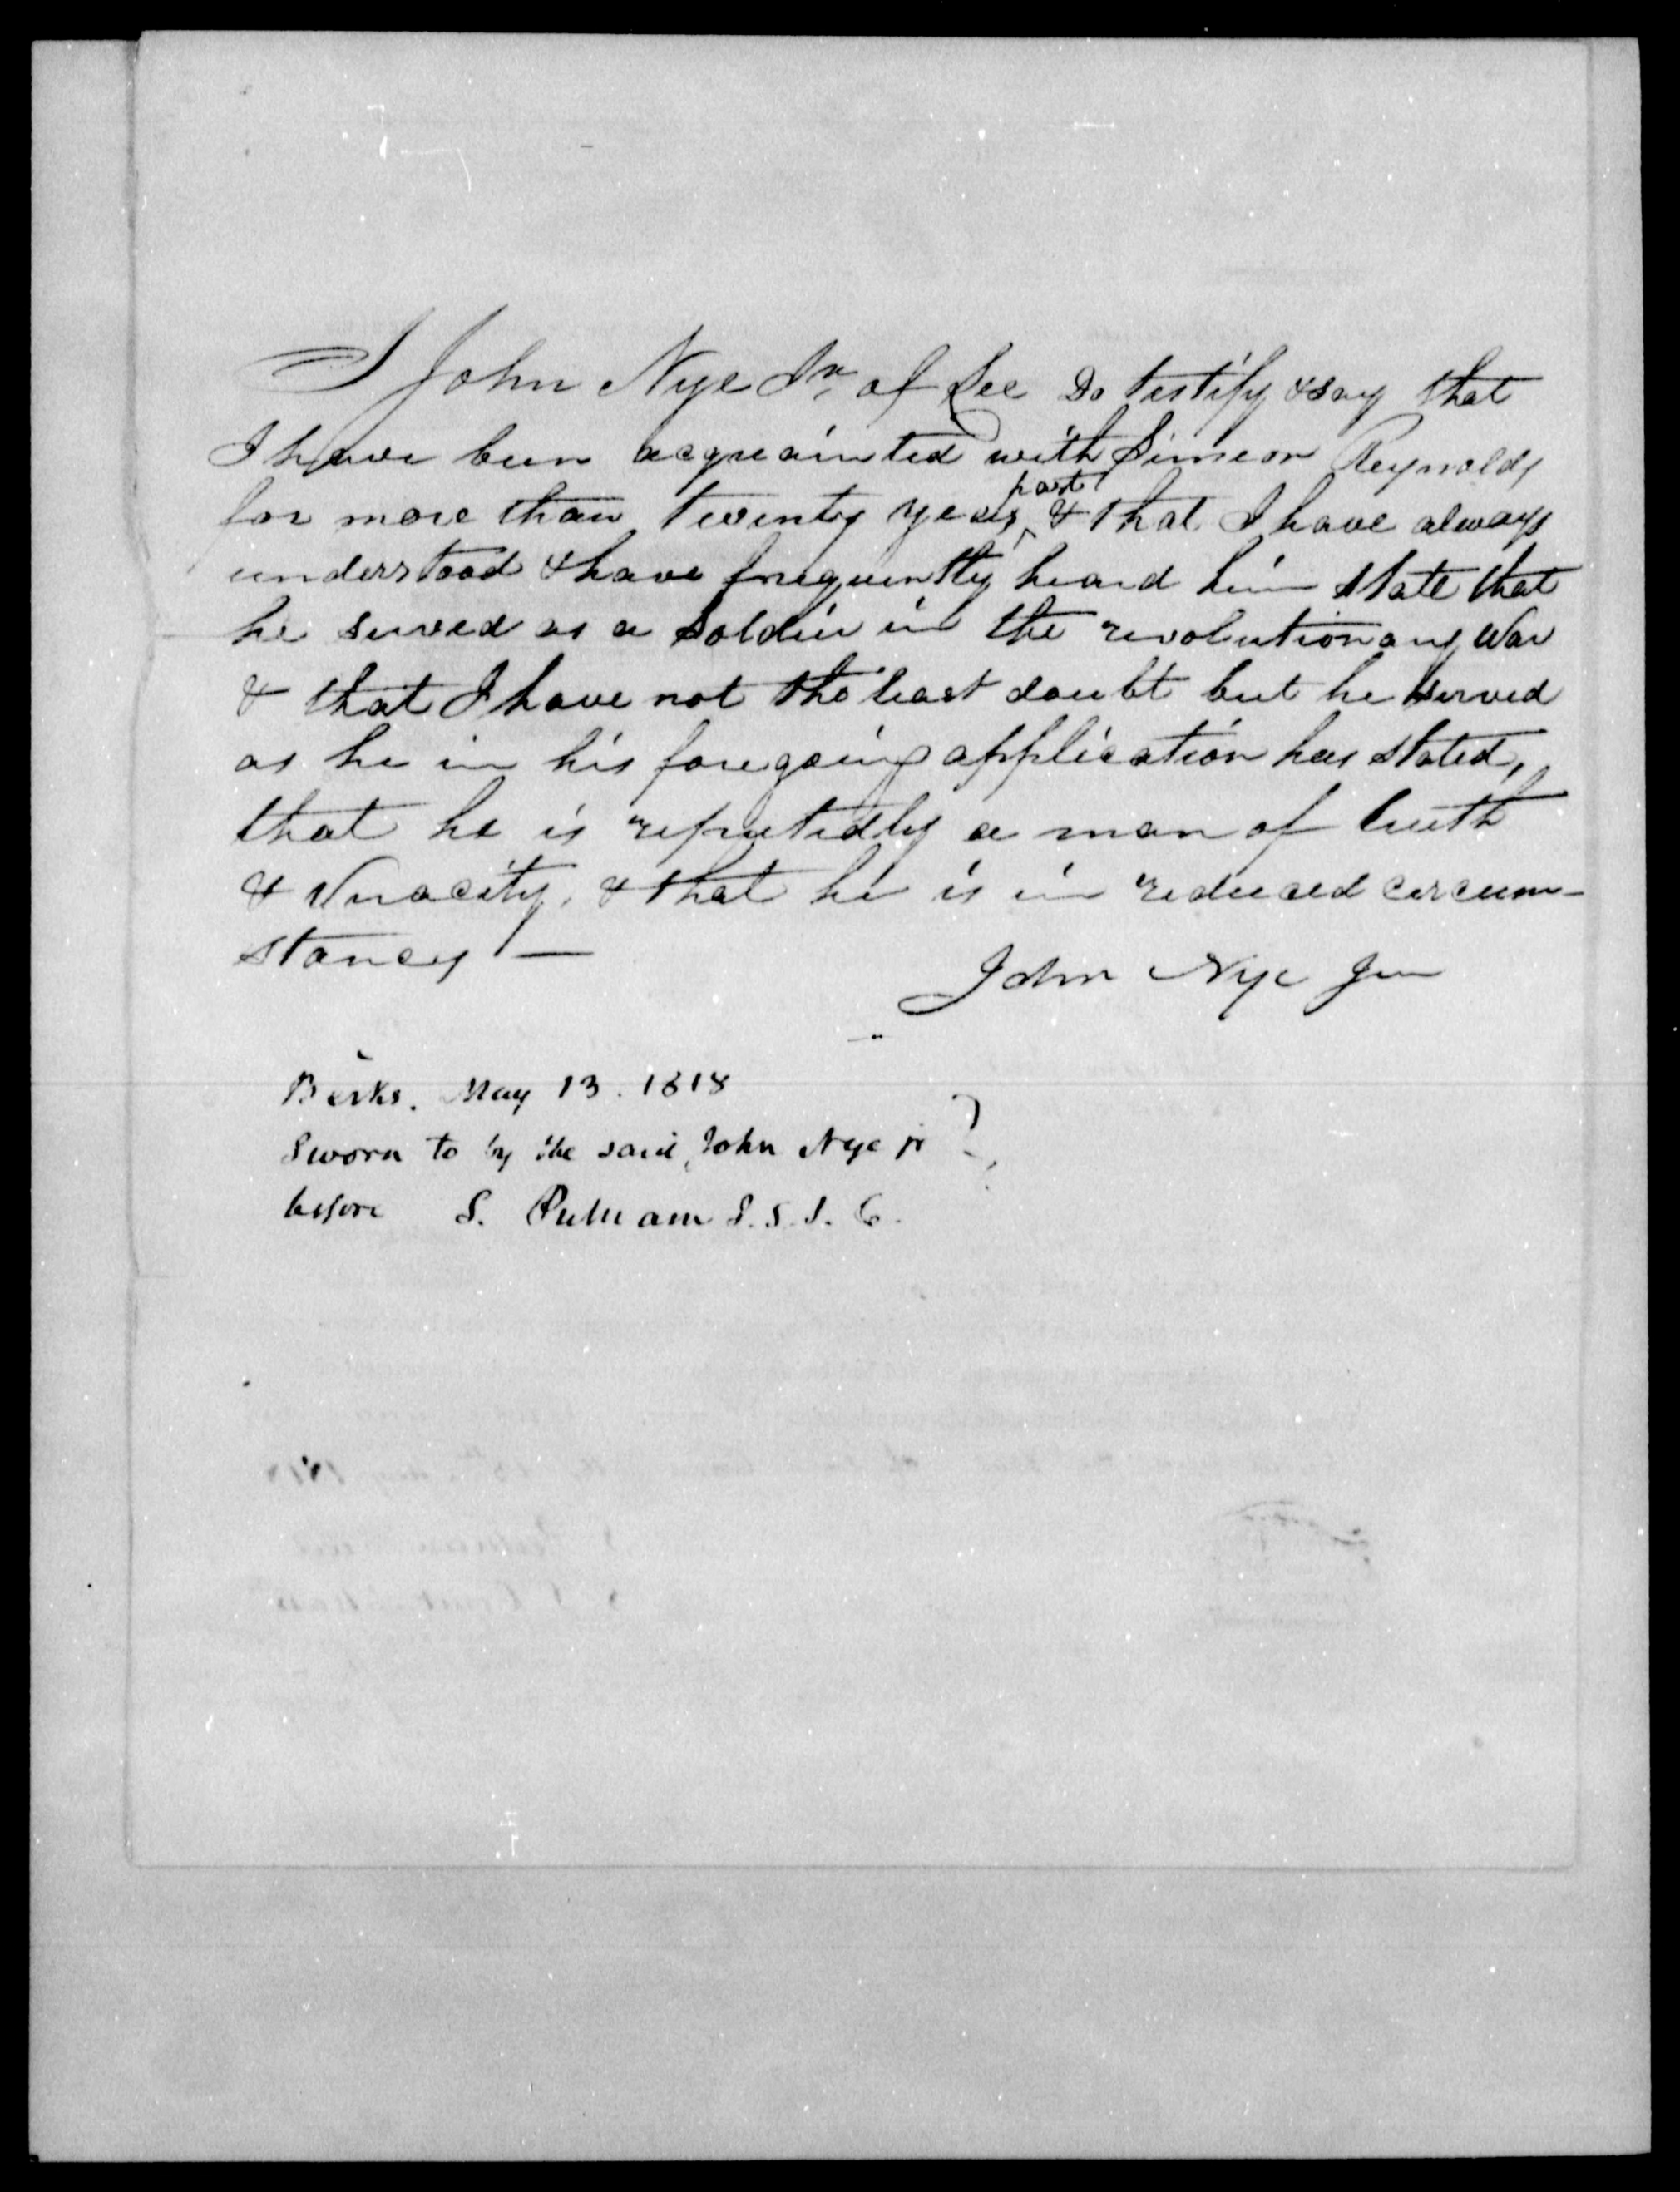I John Nye Jr of See do testify & say that I have been acquainted with Simeon Reynolds for more than twenty years past & that I have always understood & have frequently heard him state that he served as a soldier in the revolutionary war & that I have not the least doubt but he served as he in his foregoing application has stated, that he is reportedly a man of truth & veracity & that he is in reduced circumstances.

John Nye Jr

Berks. May 13 1818
Sworn to by the said John Nye Jr
before S Putnam S.S.J.C.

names: Simeon Reynolds; John Nye; John Nye; John Nye; S Putnam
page: 5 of 20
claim: survivor's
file: S. 41,094, for Simeon Reynolds, Connecticut